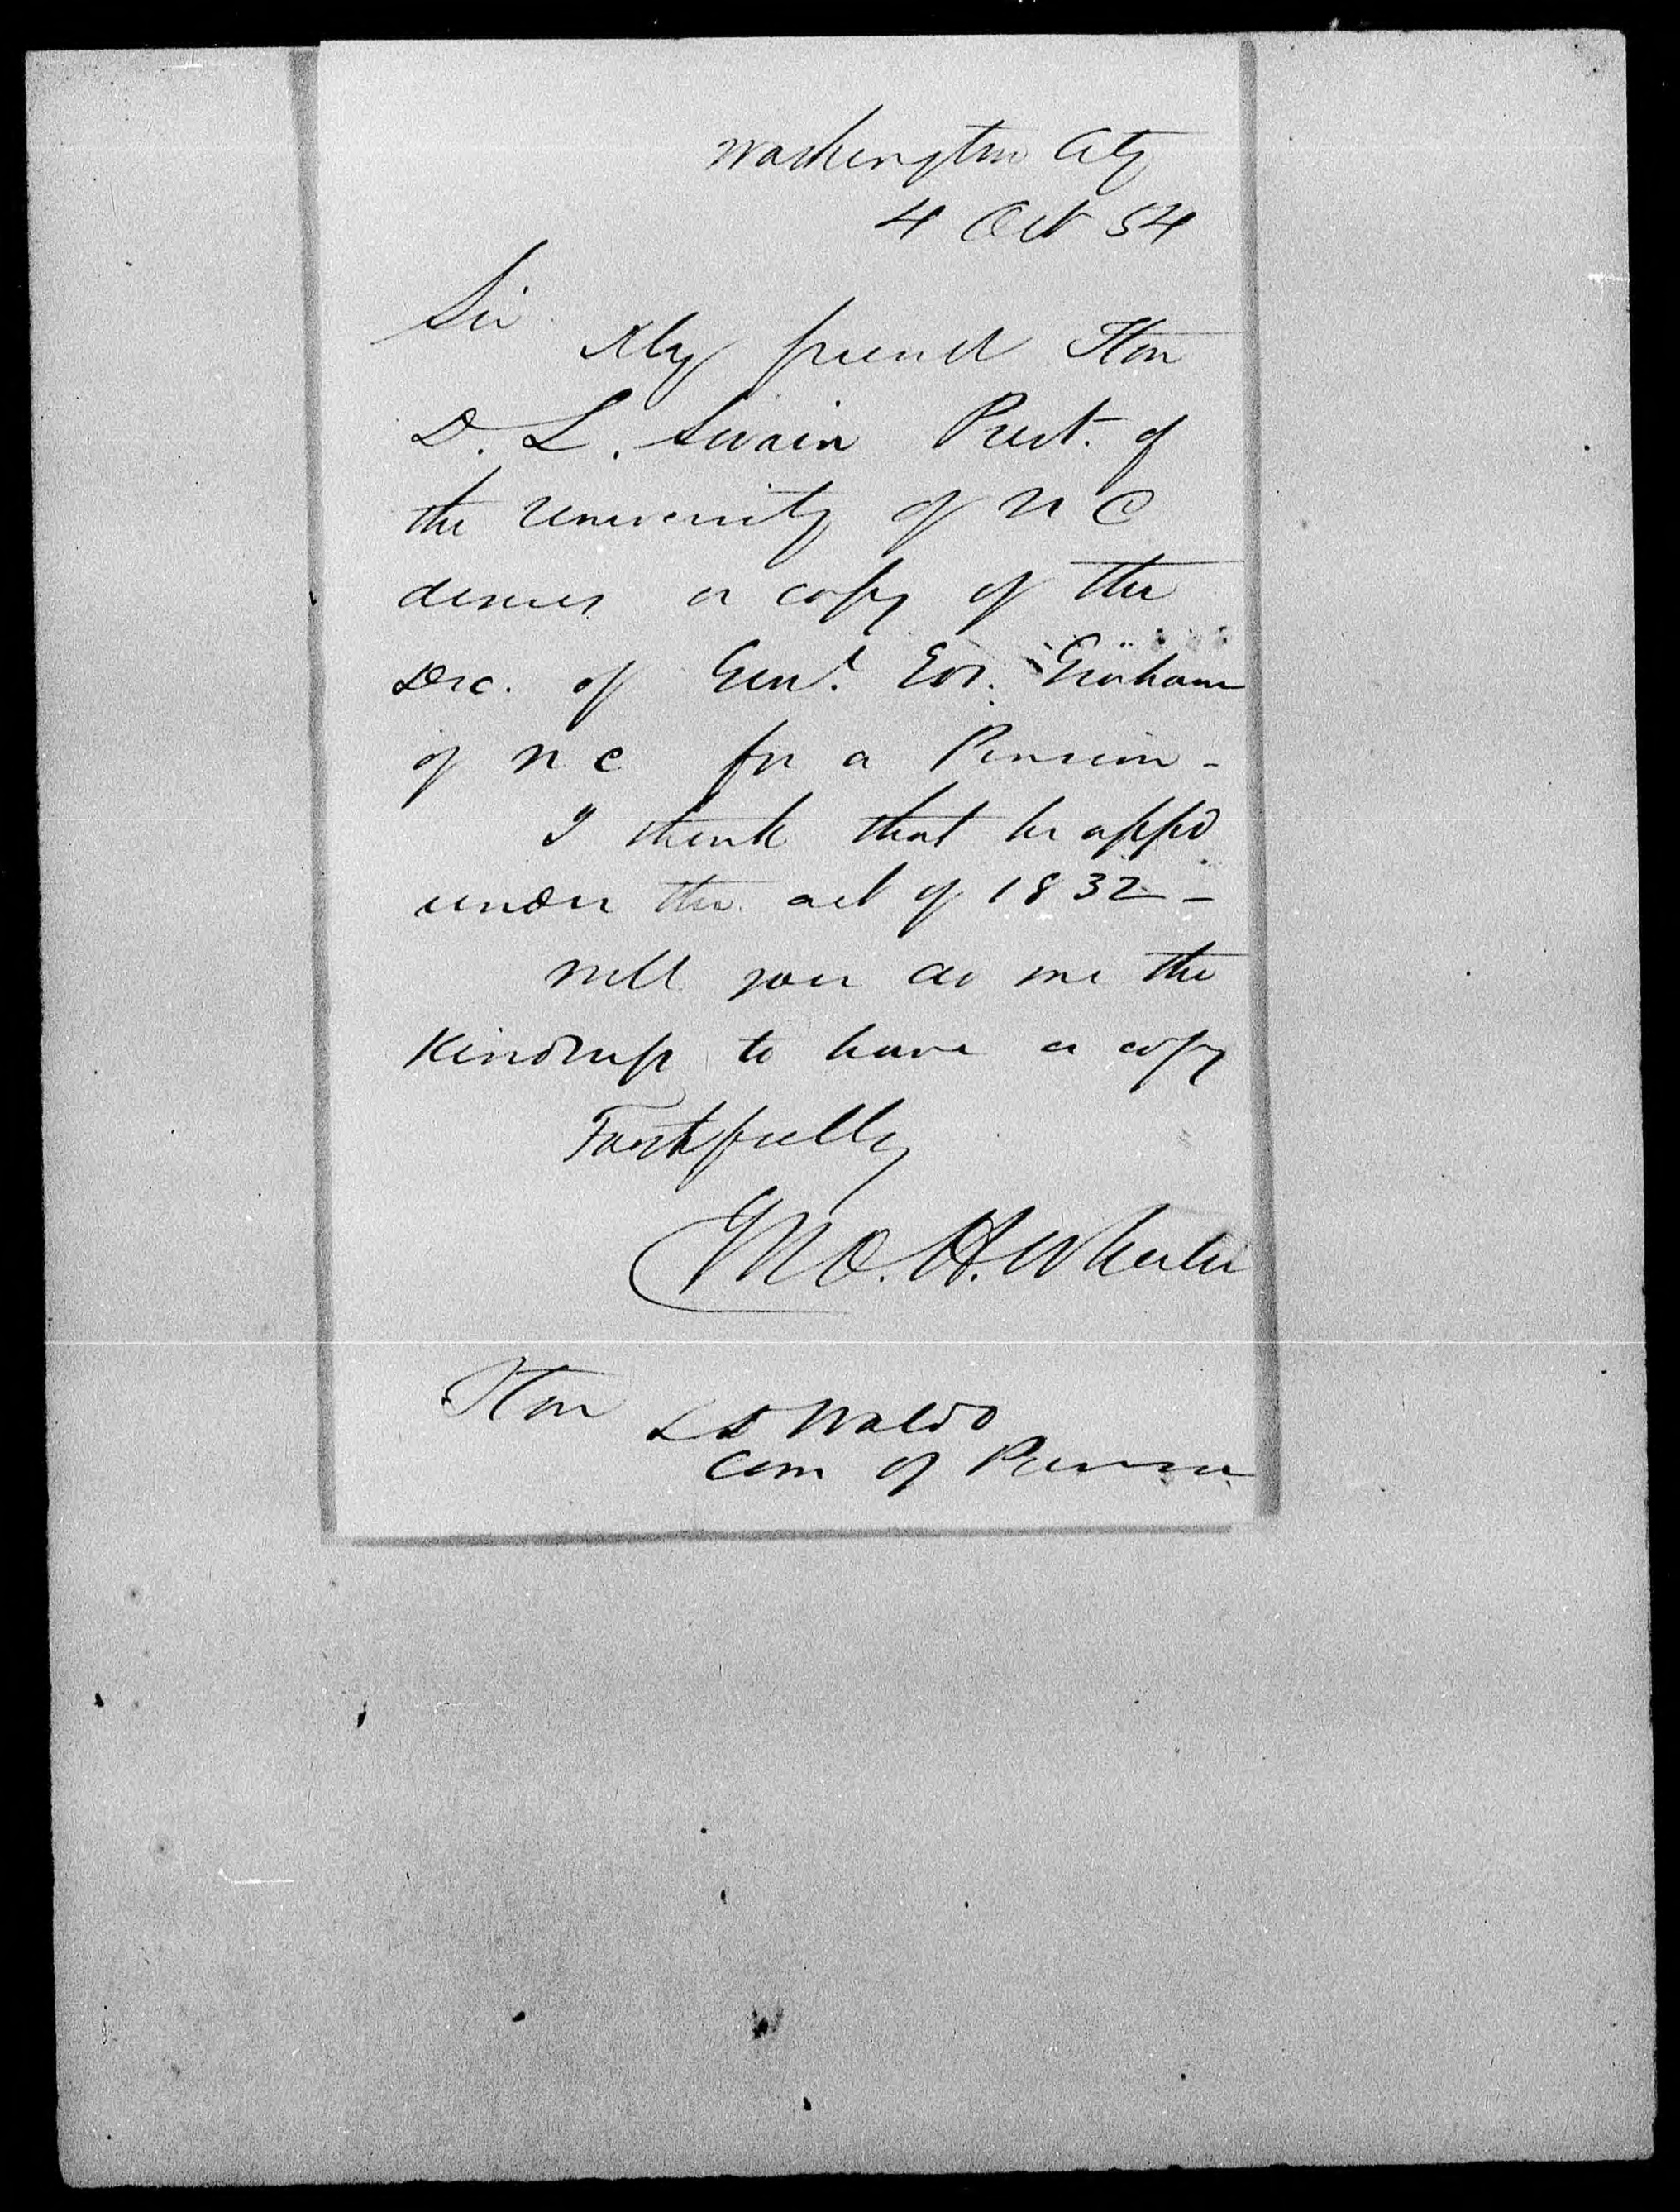Washington City
4 Oct. 54

Sir
My friend Hon. D. L. Swain Pret. of the University of N. C. desires a copy of hte Dec. of Gen'l. Eos. Graham of N. C. for a Pension - 
I think that he app'd. under the act of 1832 -
Will you do me the kindness to have a copy 
Faithfully
Jno. H. Wheeler

Hon. L. P. Waldo
Com. of Pensions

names: D L Swain, L P Waldo, Jno H Wheeler, Jos Graham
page: 38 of 55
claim: survivor's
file: S. 6,937, Joseph Graham, N.C.